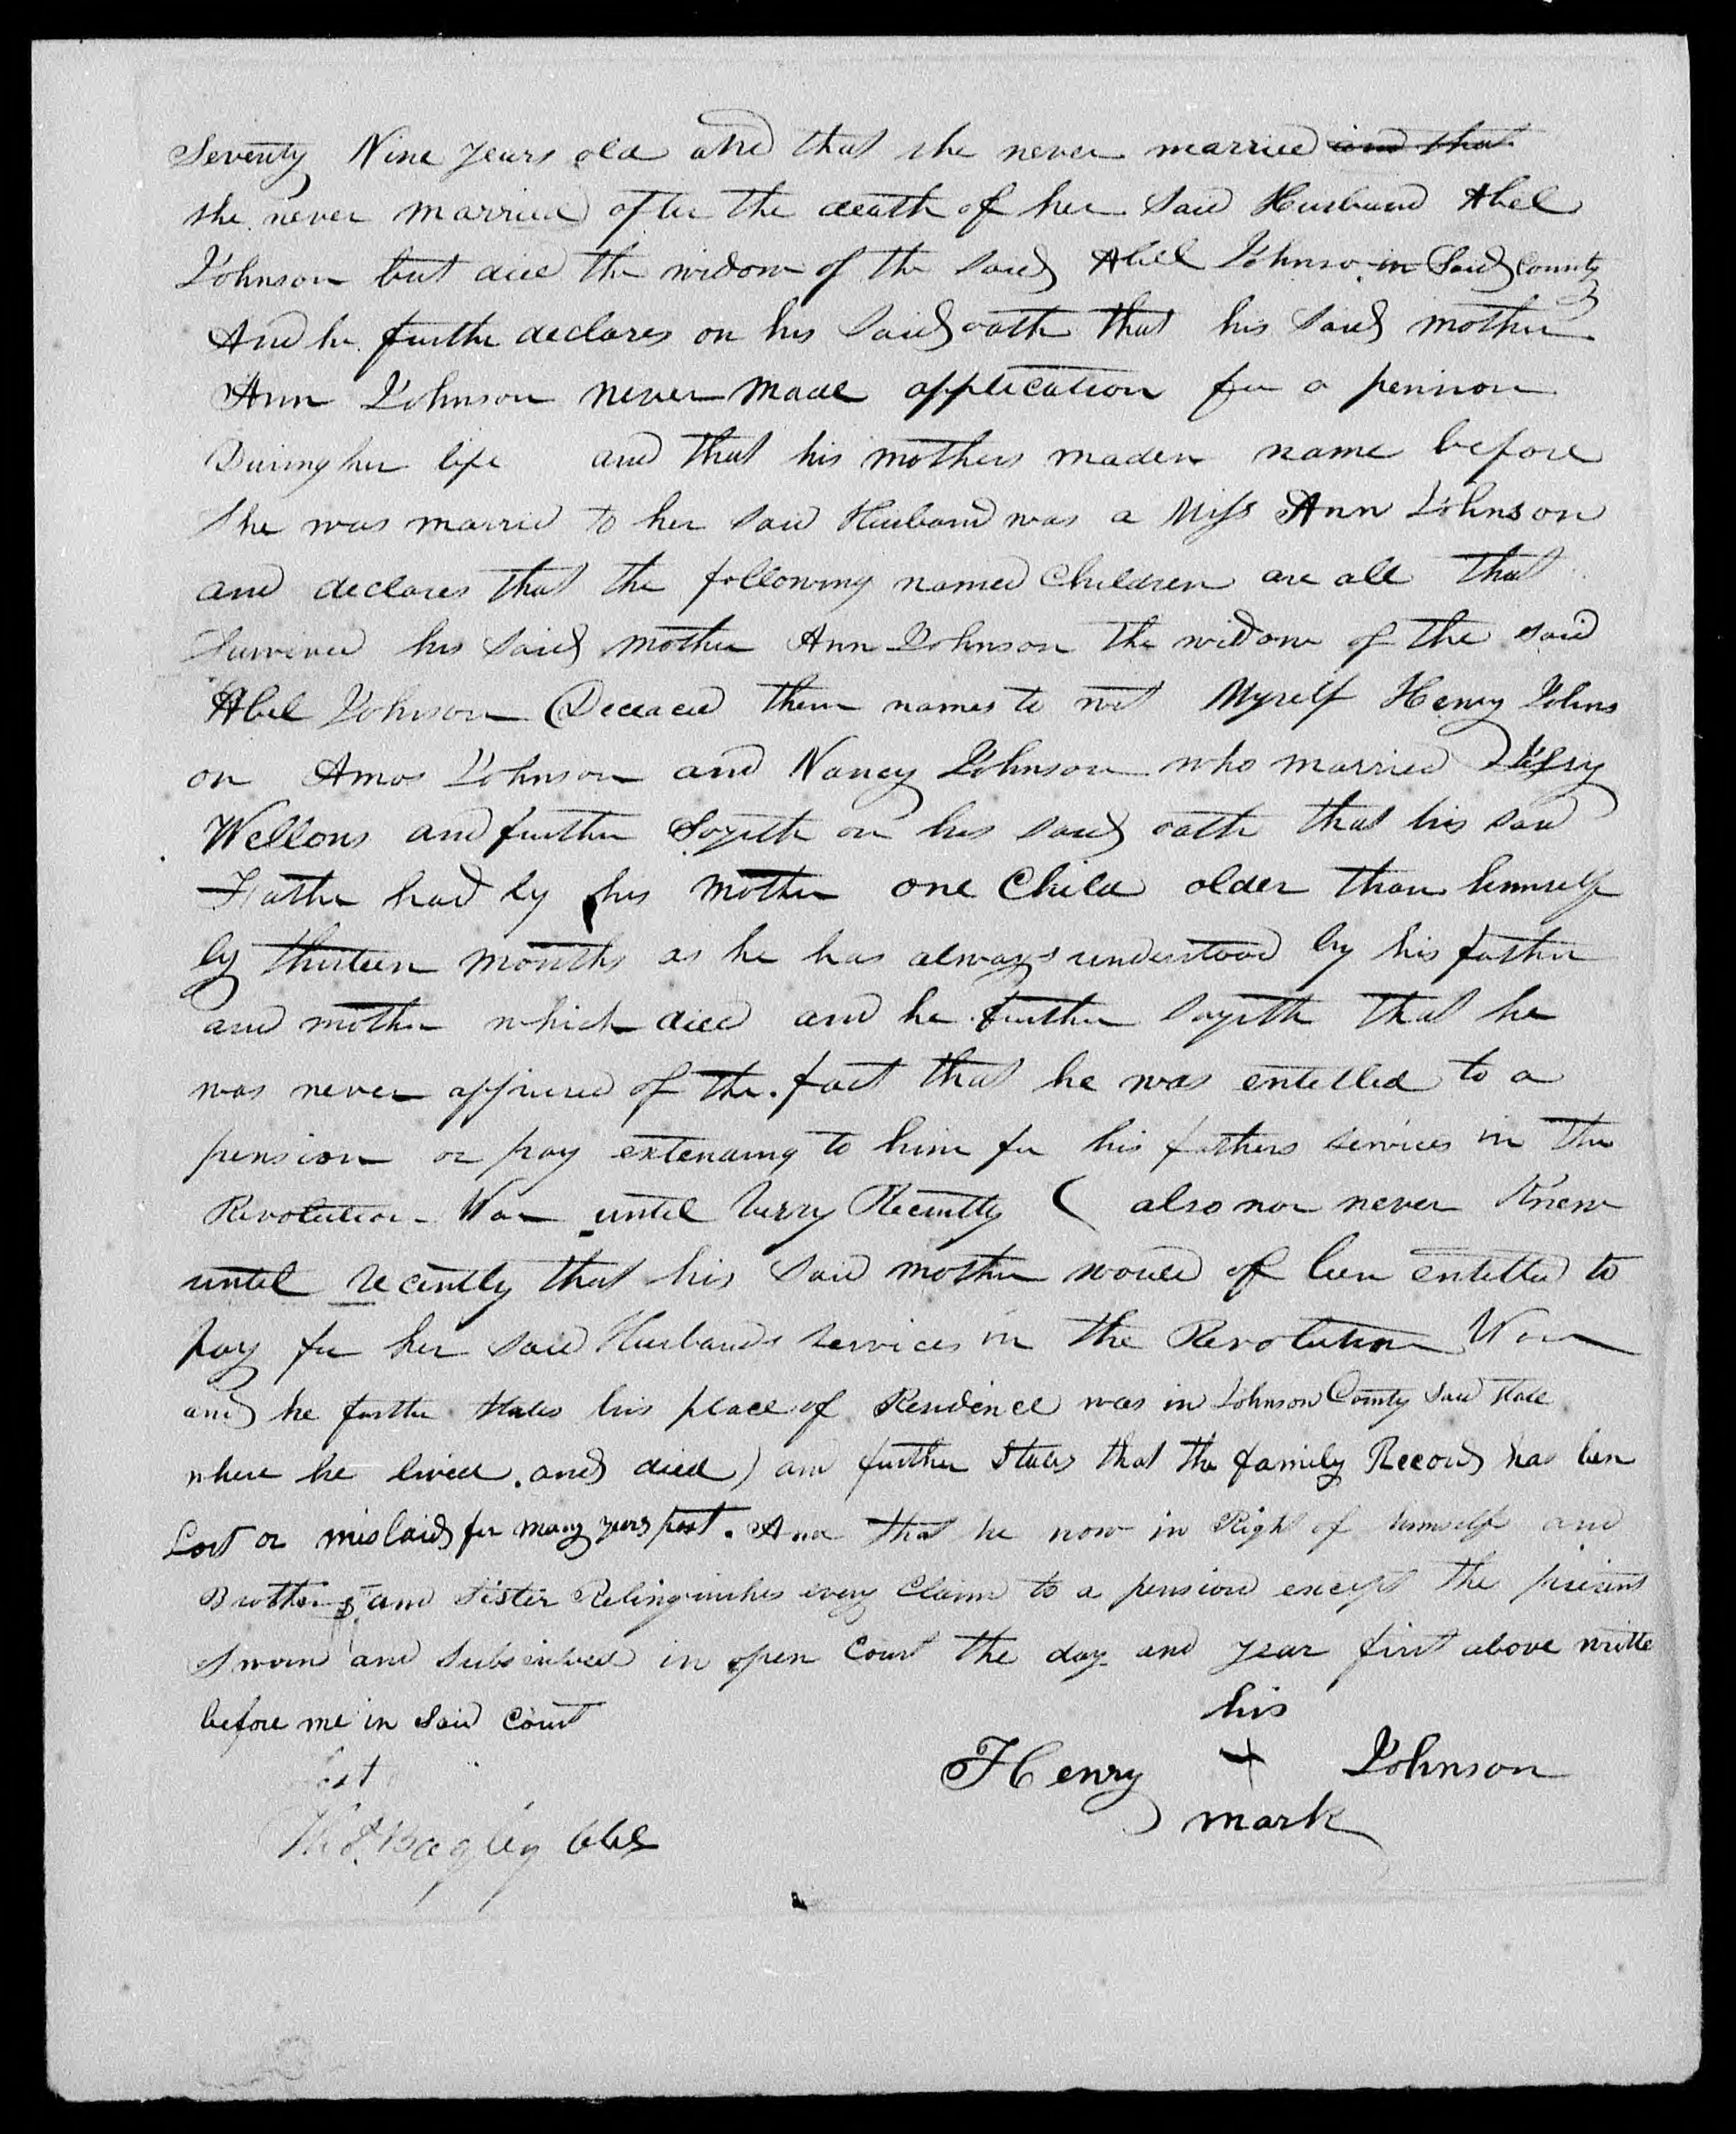Seventy nine years old and that she never married she never married after the death of her said husband Abel Johnson but died the widow of the said Abel Johnson in the said County. And he further declares on his said oath that his said mother, Ann Johnson, never made an application for a pension during her life and that his mothers maiden name before she was married to her said husband was a Miss Ann Johnson and declares that the following named children are all that survived his Said mother Ann Johnson the widow of the said Abel Johnson – Deceased them names to wit  Myself Henry Johnson or Amos Johnson and Nancy Johnson who married Jessy Wellons and further sayeth on his said oath that his said father had by his mother one child older than himself by thirteen months as he has always understood by his father and mother which died and he further sayeth that he was never apprised of the fact that he was entitled to a pension or pay extending to him for his fathers services in the Revolution War until very recently (also nor never knew until recently that his said mother would have been entitled to pay for her said Husband’s services in the Revolution War and he further states his place of Residence was in Johnson County said State where he lived and died and further states that the family Records have been lost of mislaid for many years past.  And that he now in Right of himself and Brother and Sister Relinquishes every claim to a pension except the present Sworn and subscribed in open Court the day and year first above written before me in Said Court     
Henry Johnson  his mark
Test Tho Bagley [unreadable]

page: 9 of 74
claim: rejected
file: R. 5600, for Abel Johnson, North Carolina